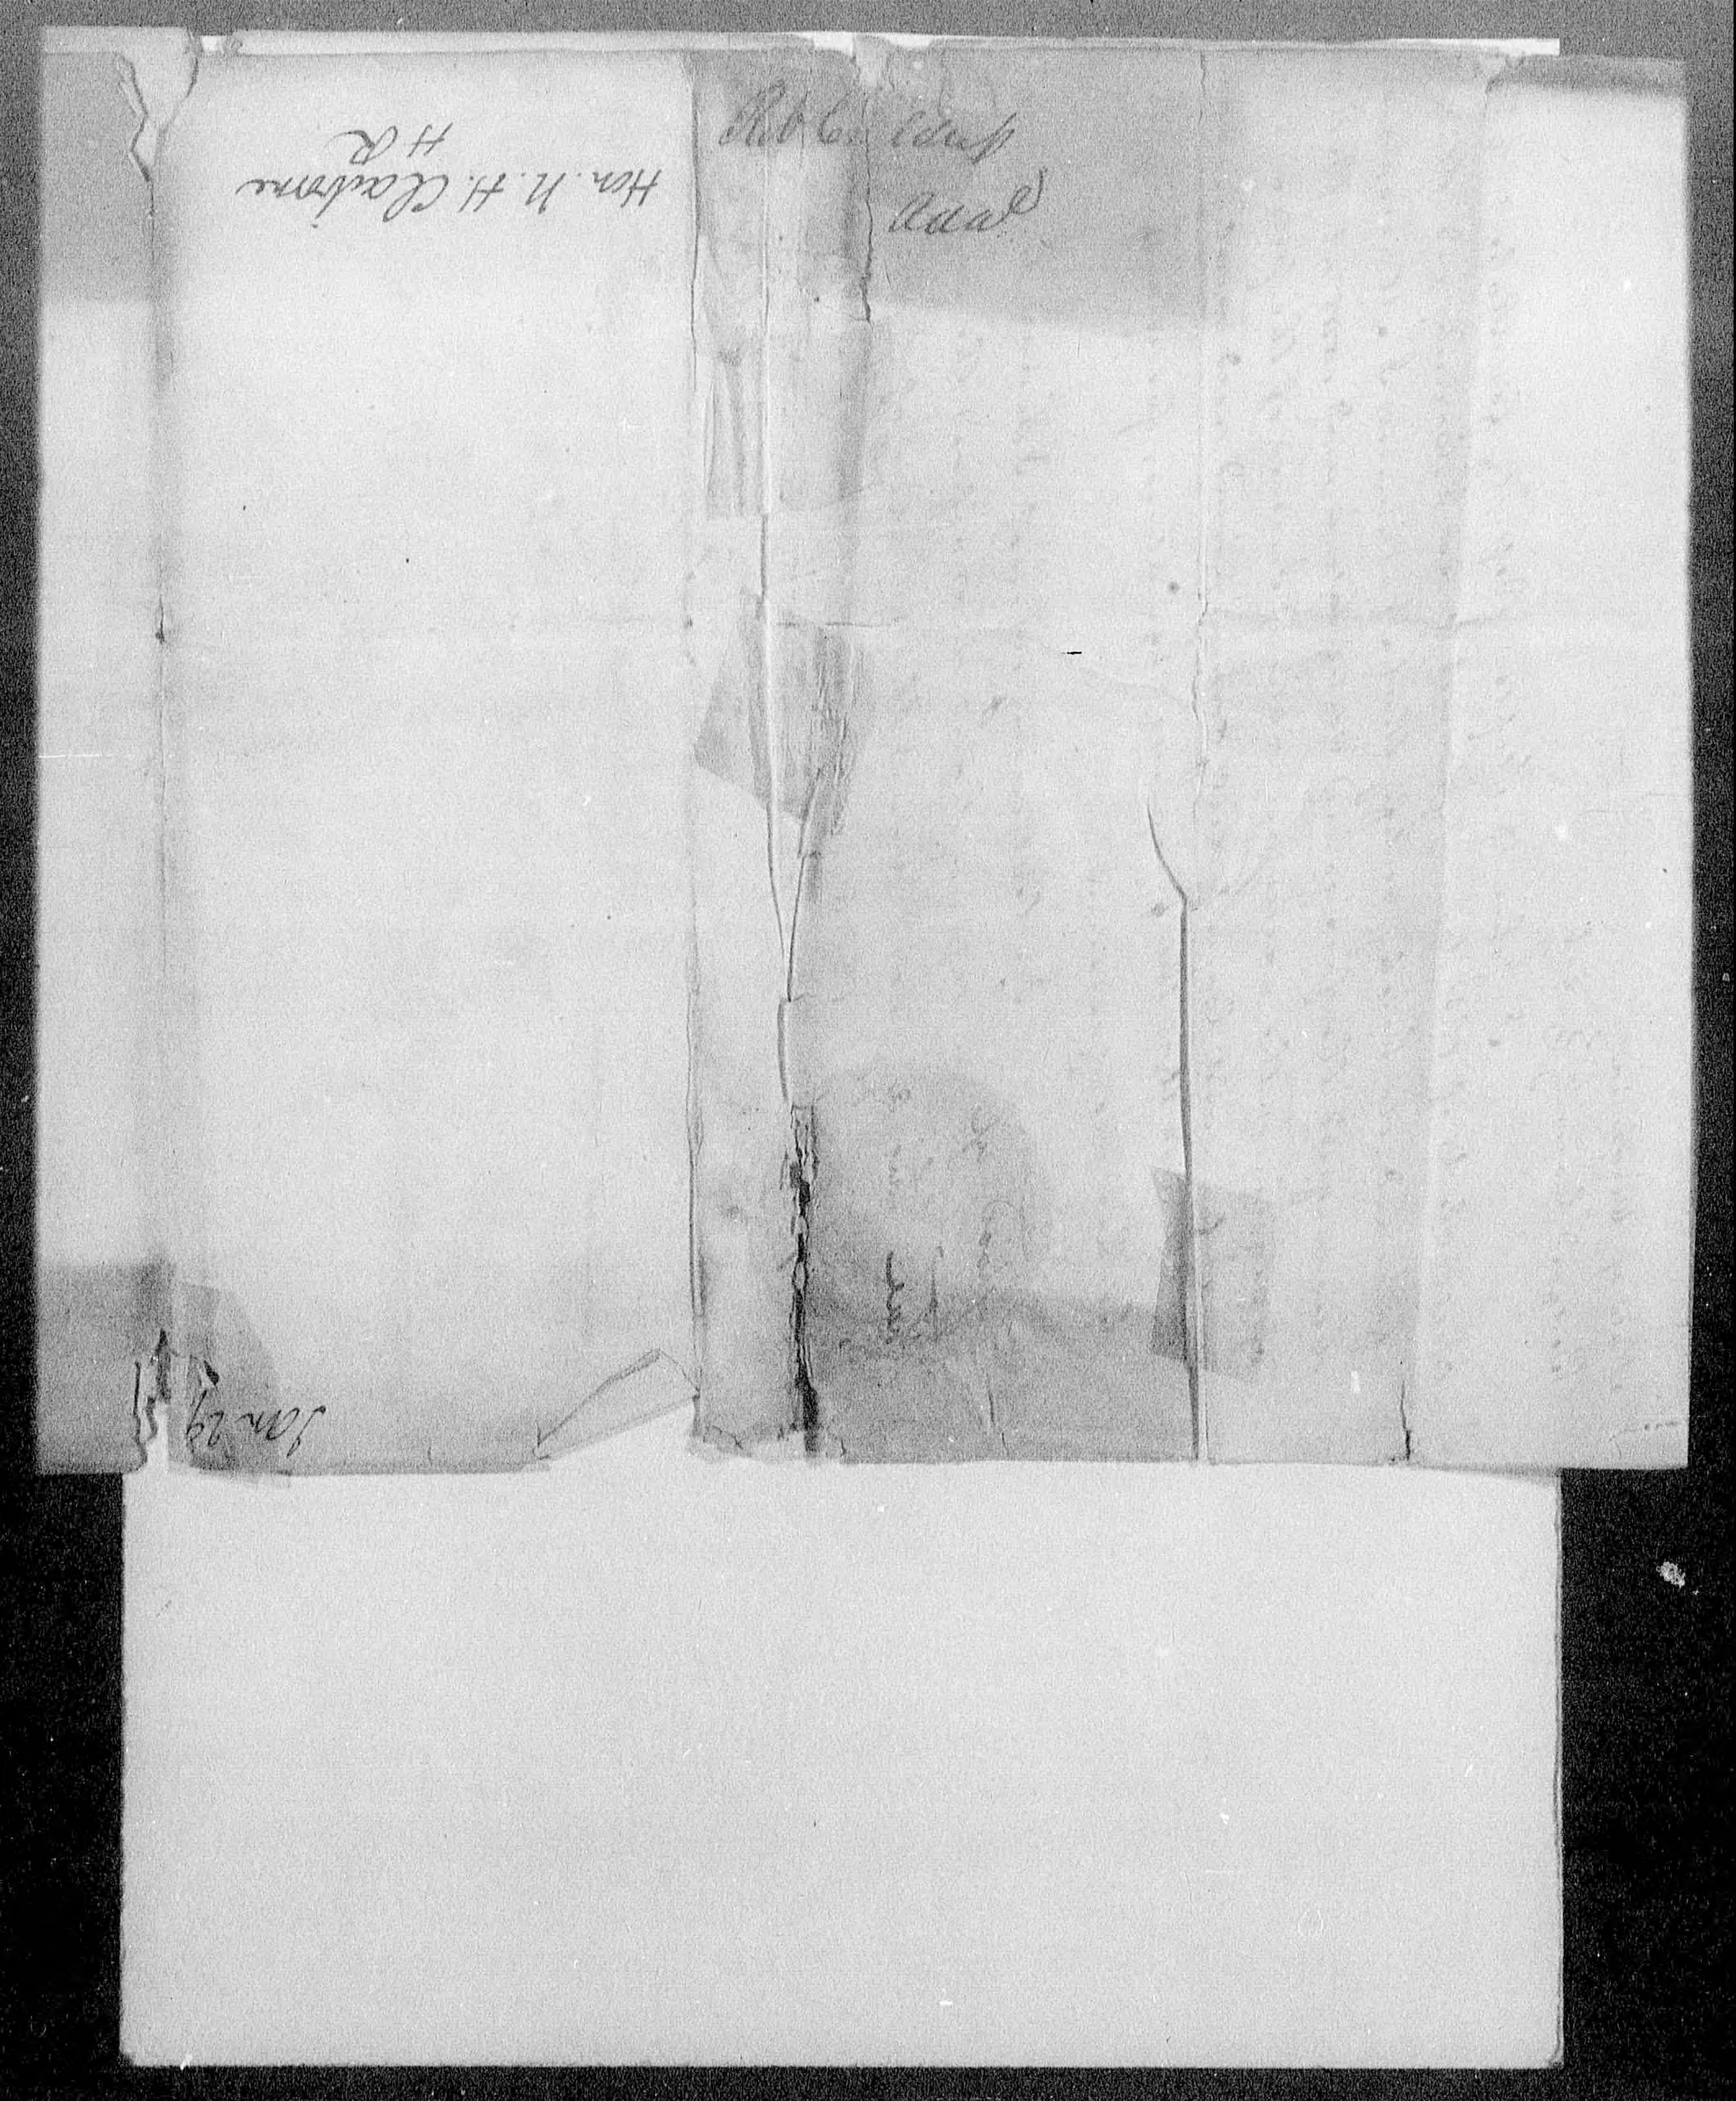Hon. N.H Claiborne
H.R
Rob [illegible]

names: Rob Childress, N H Claiborne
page: 14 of 25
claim: rejected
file: R. 1929, Robert Childress, Va